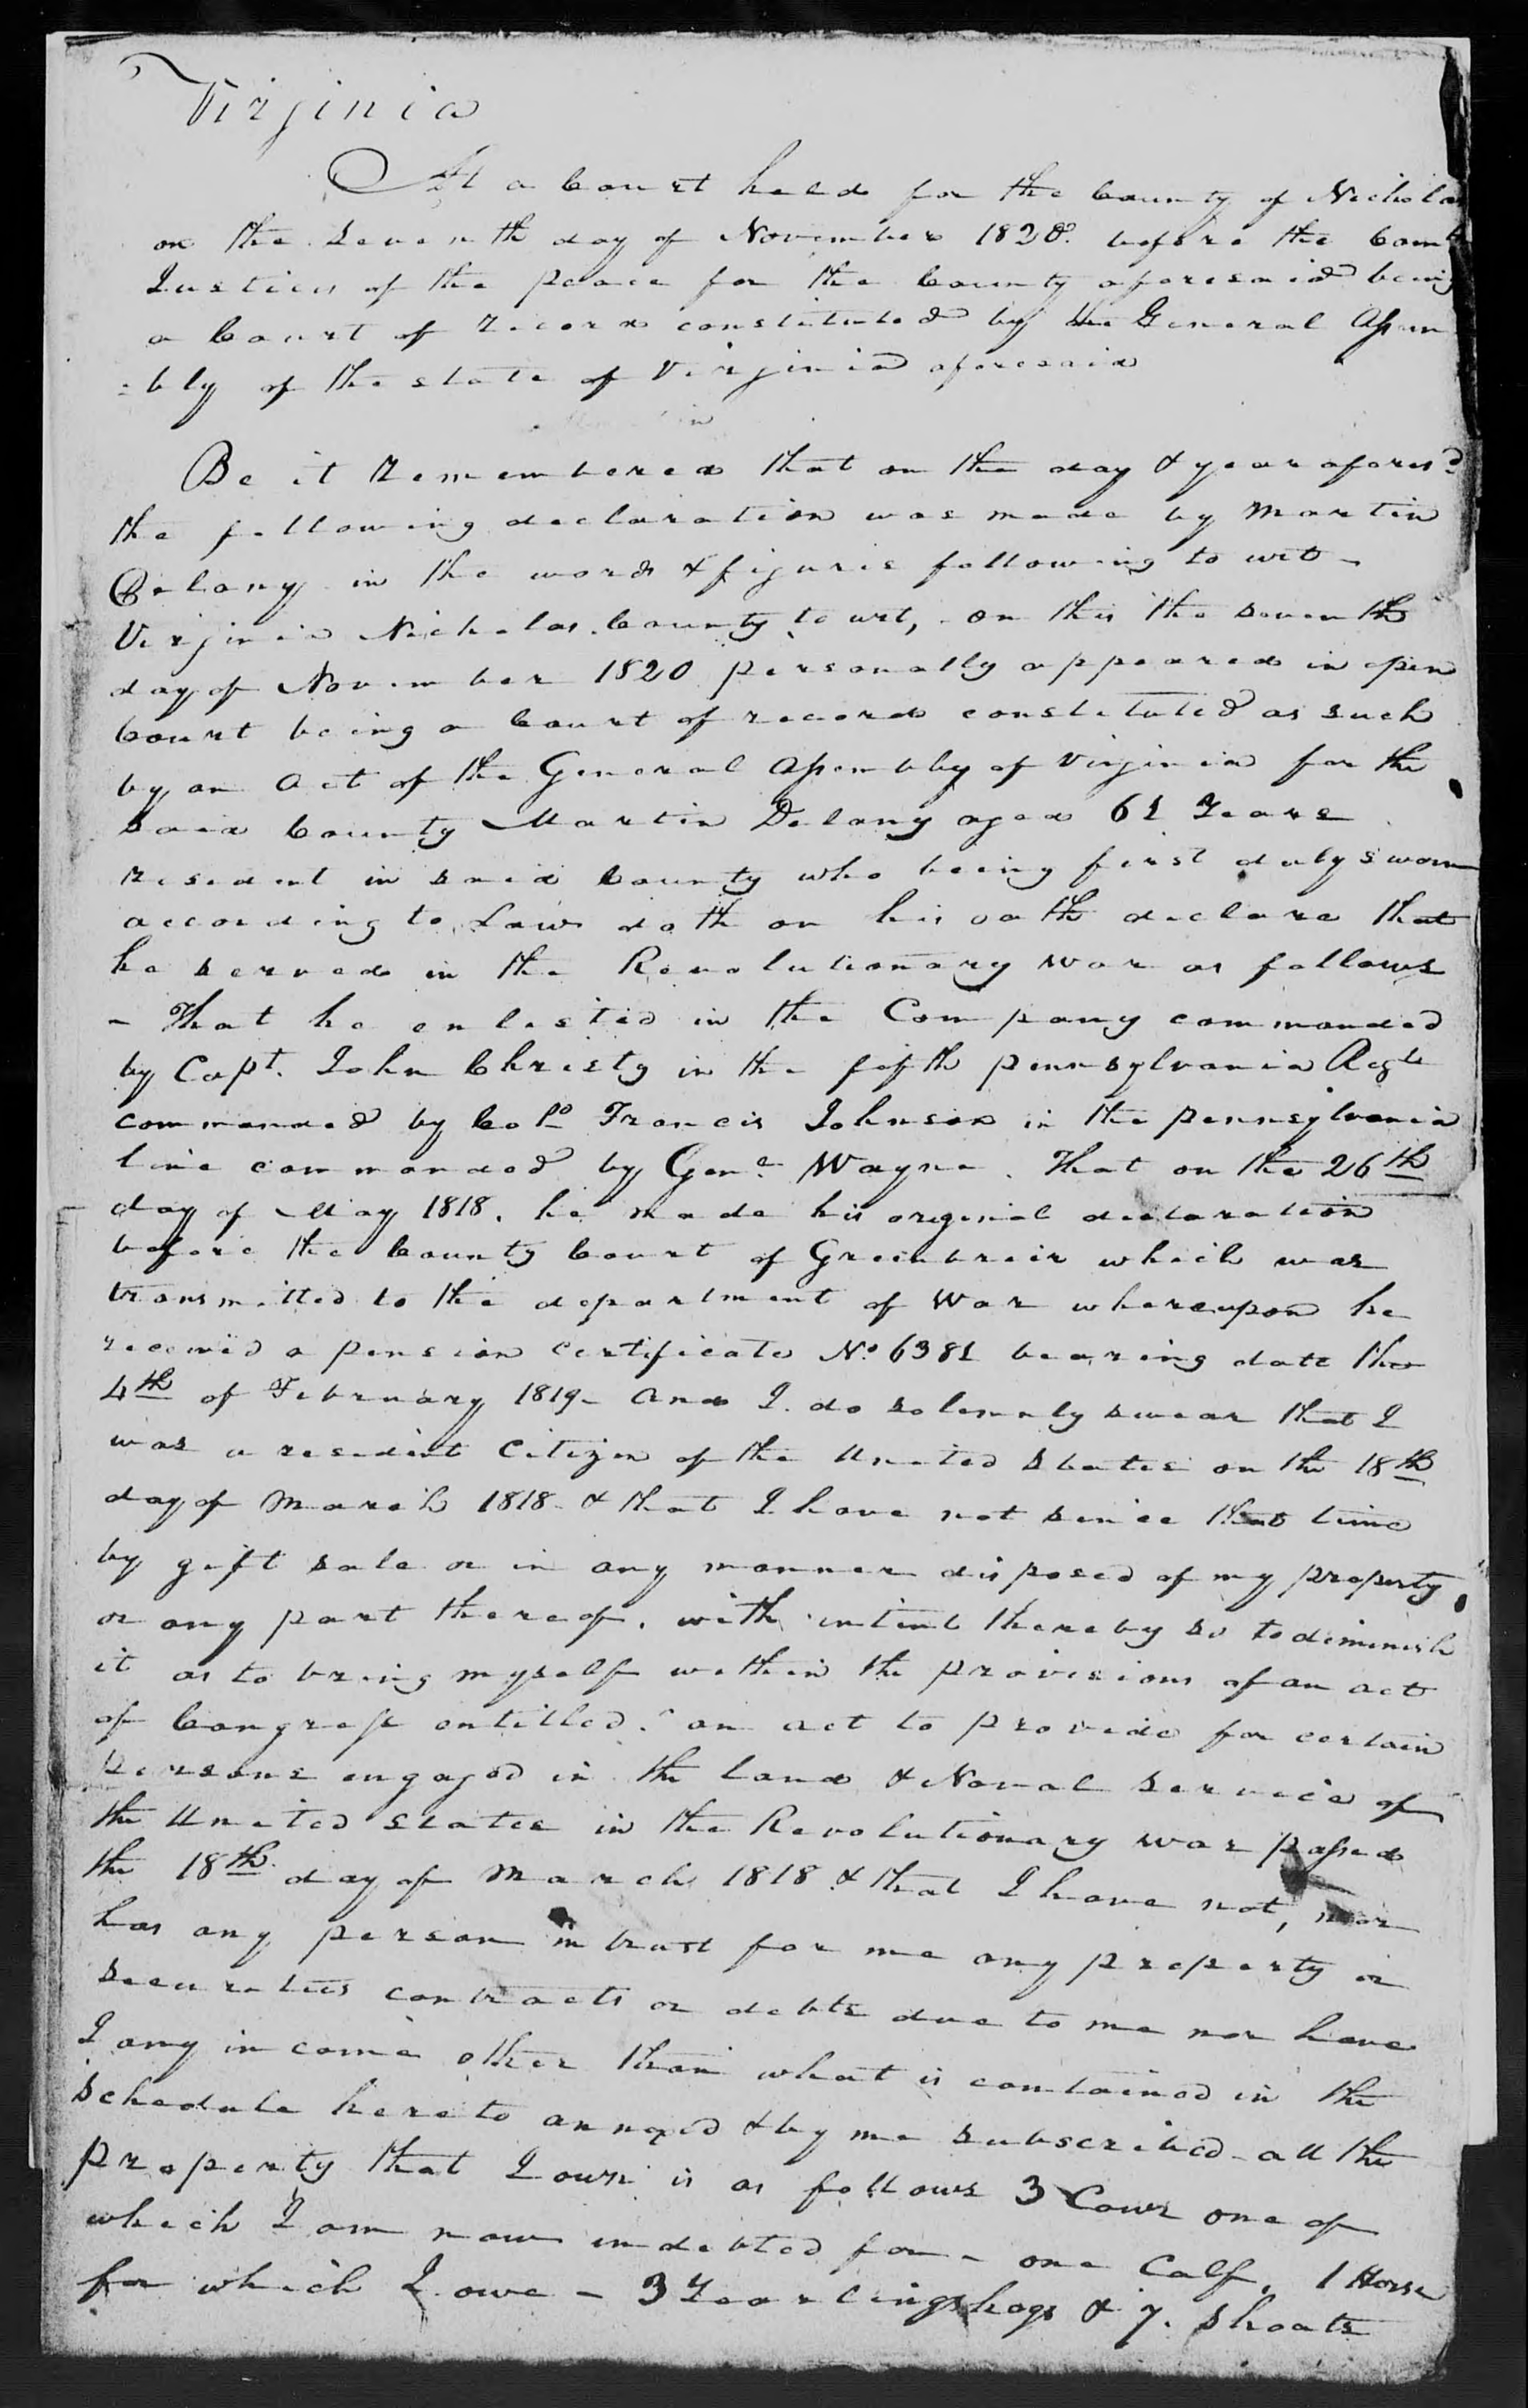Virginia
At a Court held for the County of Nicholas
in the seventh day of November 1820 before the Court Justice of the peace for the County aforesaid, being a Court of record constituted by the General Assembly of the State of Virginia aforesaid.
Be it remembered that on the day & year aforesaid, the following declaration was made by Martin Delany in the words & figures following to wit - Virginia, Nicholas County to wit, on this the seventh day of November 1820 personally appeared in open Court being a Court of records constituted as such by an act of the General Assembly of Virginia for the
said County, Martin Delany, aged 62 years,
resident in said County who being first duly sworn according to Law, doth on his oath declare that he served in the Revolutionary war as follows:
That he enlisted in the company commanded
by Capt. John Christy in the fifth Pennsylvania Regiment commanded by Col Francis Johnson in the Pennsylvania line commanded by Genl Wayne. That on the 26th day of May 1818 he made his original declaration before the County Court of Greenbrier which was
transmitted to the department of War, whereupon he received a pension certificate No 6382, bearing date the 4th of February 1819. And I do solemnly swear that I was a resident Citizen of the United States on the 18th day of March 1818 & that I have not since that time by gift sale or in any manner disposed of my property or any part thereof with intent thereby so to diminish it as to bring myself within the provisions of an act of Congress entitled "An act to provide for certain
persons engaged in the land & Naval service of the United States in the Revolutionary war" passed the 18th day of March 1818 & that I have not any person in trust for me any property of securities, contracts or debts due to me, nor have any income other than what is contained in the Schedule hereto annexed & by me subscribed. All the property that I own is as follows:
3 cows, one of which I am now indebted for one Calf
Horse, for which I owe 
3 yearling hogs & 7 shoats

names: John Christy, Martin Delany, Francis Johnson, Martin Delany, Wayne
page: 12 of 22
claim: survivor's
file: S. 3,9425, Martin Delany, Penn.